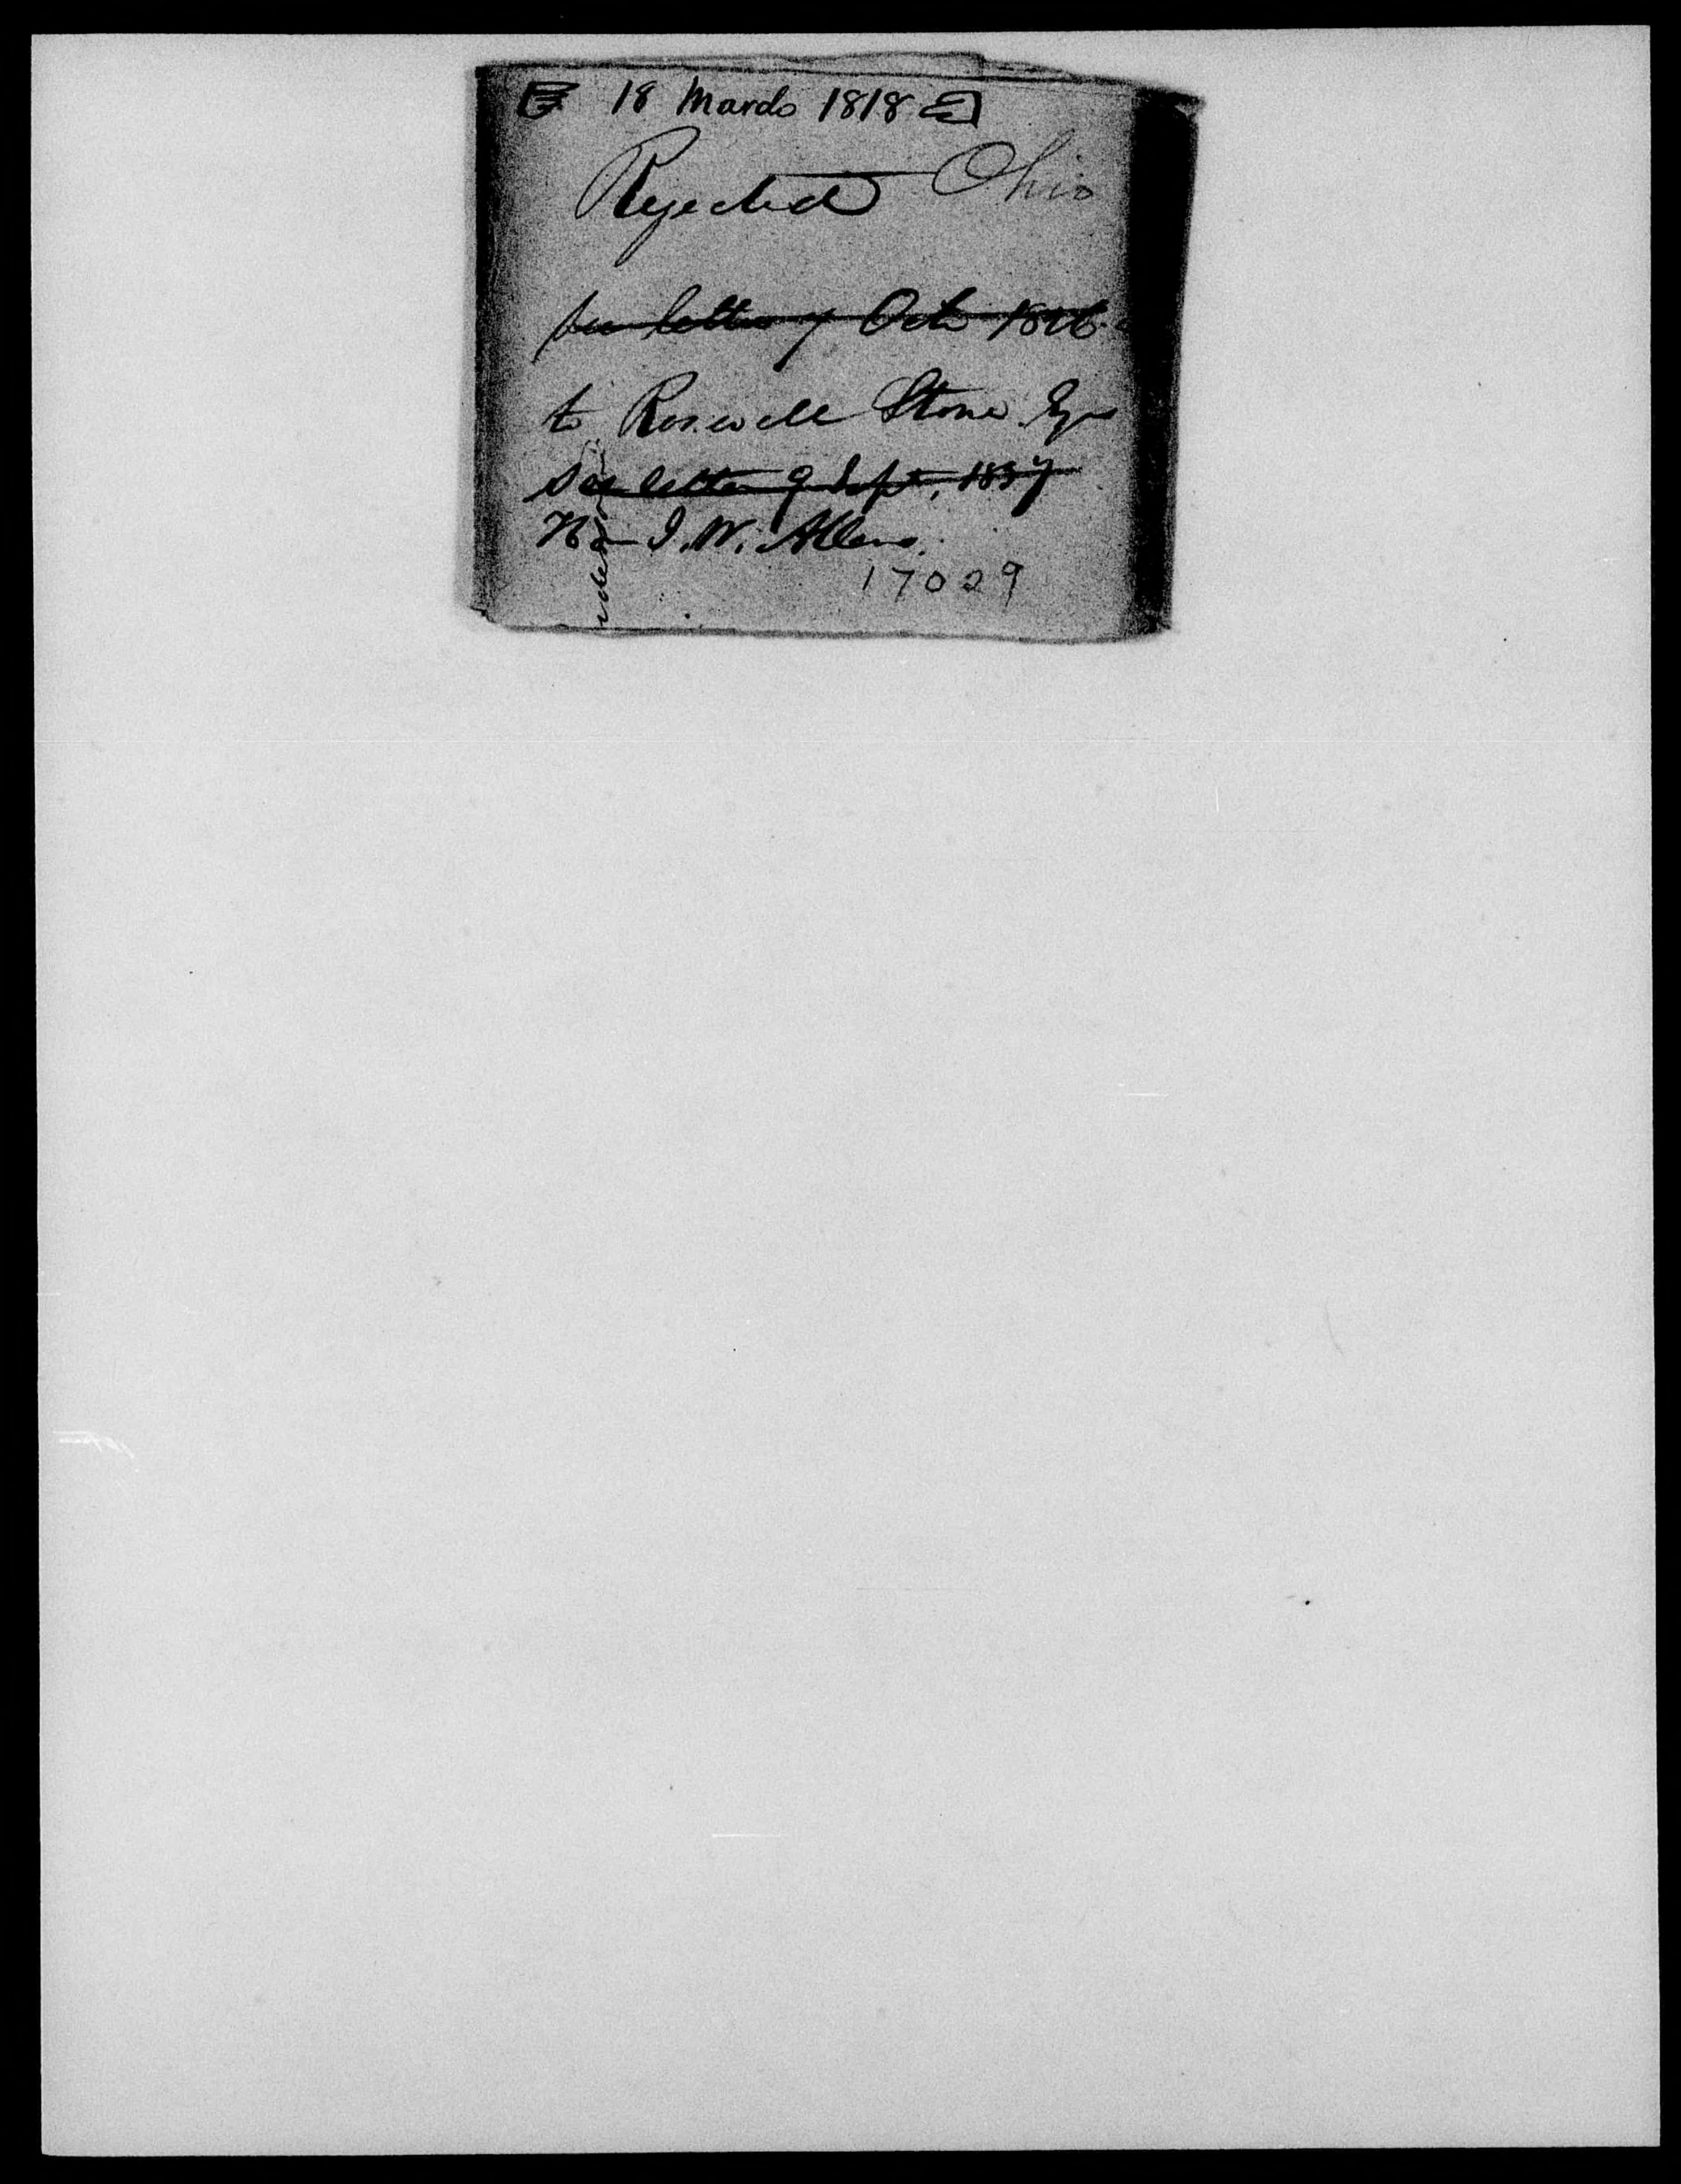18 March 1818
  Rejected  Ohio

See letter of Oct 1826  [crossed out]
to Roswell Stone Esq
see letter 9 Sept, 1837  [crossed out]
Nd    J.W. Allen
                                      17029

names: J W Allen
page: 19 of 20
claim: rejected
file: R. 17029, for Joseph Percy, Connecticut